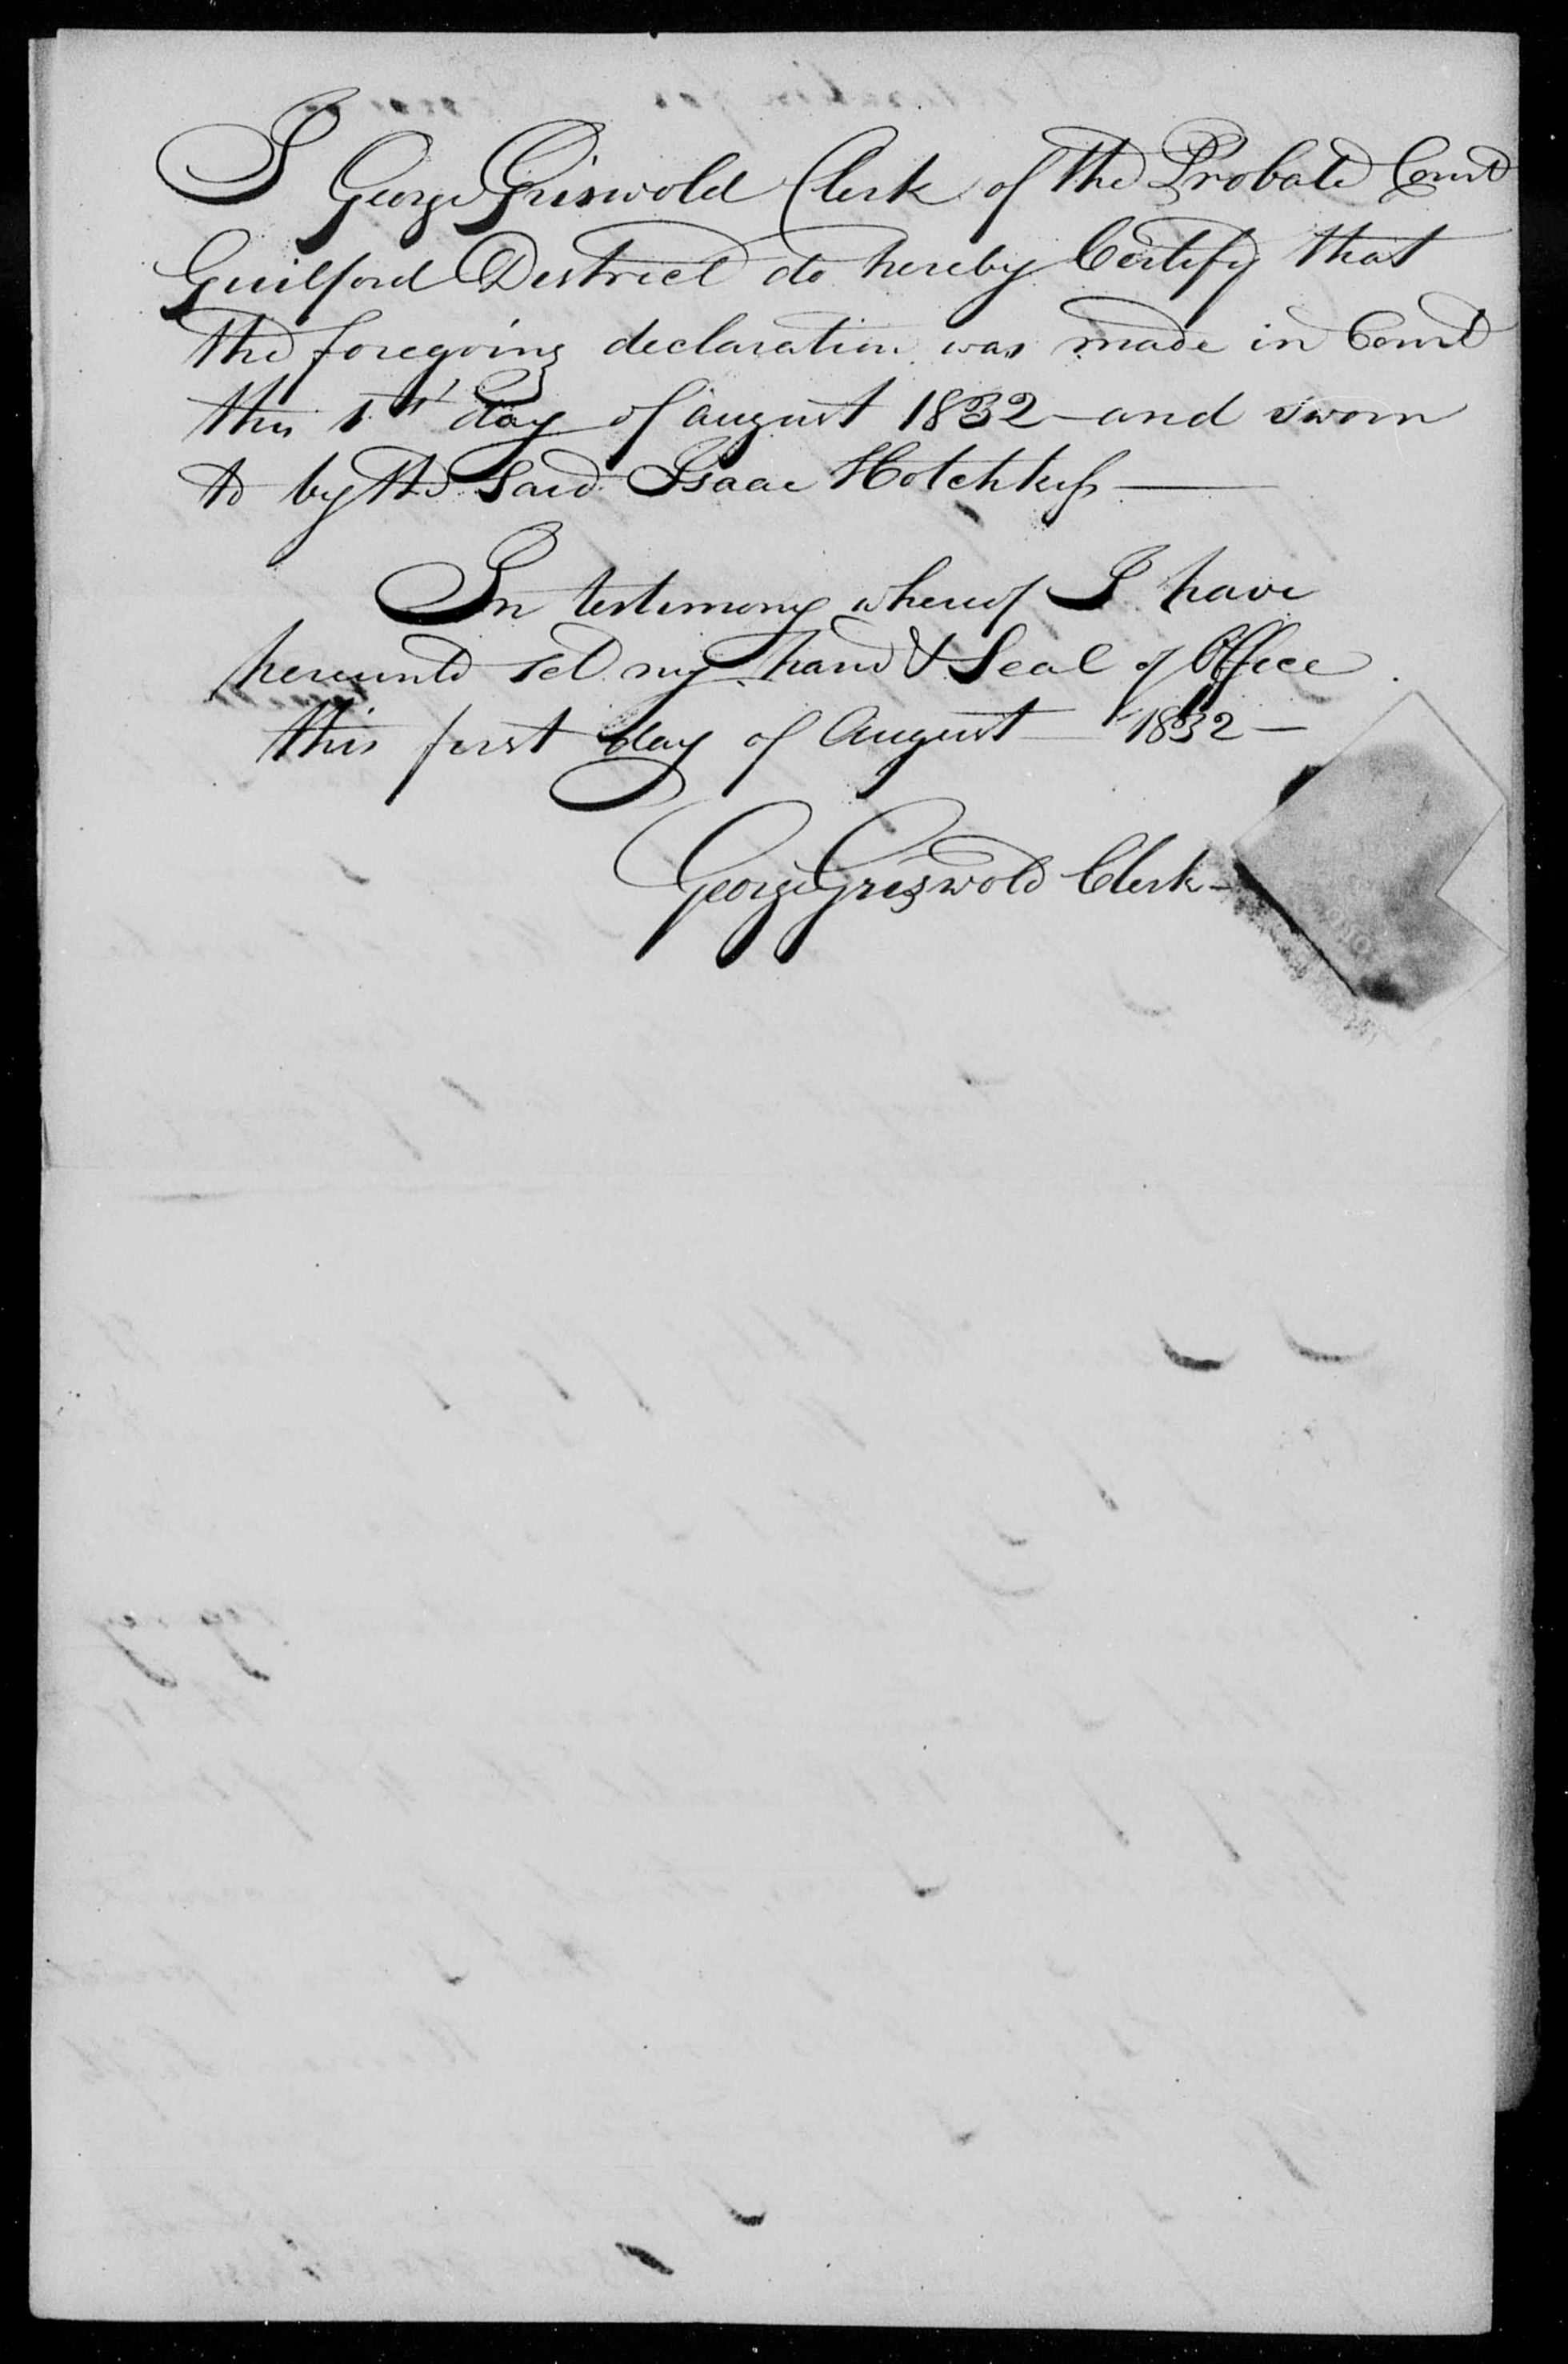Declaration for a Pension
State of Connecticut } SS Probate Court
County of New Haven} Guildford District

On this first day of August 1832 Personally appeared in open Court before the Probate Court for Guilford District now sitting Isaac Hotchkiss a resident of Guilford in the County of New Haven and state of Connecticut who being duly sworn according to law doth on His oath make the following Declaration in order to obtain the benefit of the act of congress passed June 7th 1832 _____________________________

I Isaac Hotchkiss of Guilford in the County of New Haven & state of Connecticut declare & say that I was placed on the pension list, Roll of Connecticut [smudged out] & that I received a pension from the 17th day of April 1818 until the 11th of March 1820 when I was struck off on account of having some property that I was a private in Capt Stephen Halls Company. Herman Swifts Regt, - that I now reside in sd Guilford where I did when I first made application for a pension in 1818 _ Isaac Hotchkiss

I George Griswold Clerk of the Probate Court Guildford District do hereby certify that the foregoing declaration was made in court this 1st day of august 1832 - and sworn to by the said Isaac Hotchkiss ---------

In testimony whereof I have hereunto set my hand & seal of office this first day of autust 1832 -
George Griswold Clerk [seal affixed]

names: Isaac Hotchkiss, George Griswold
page: 9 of 25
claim: widow's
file: W. 18,021, Isaac Hotchkiss, Conn.